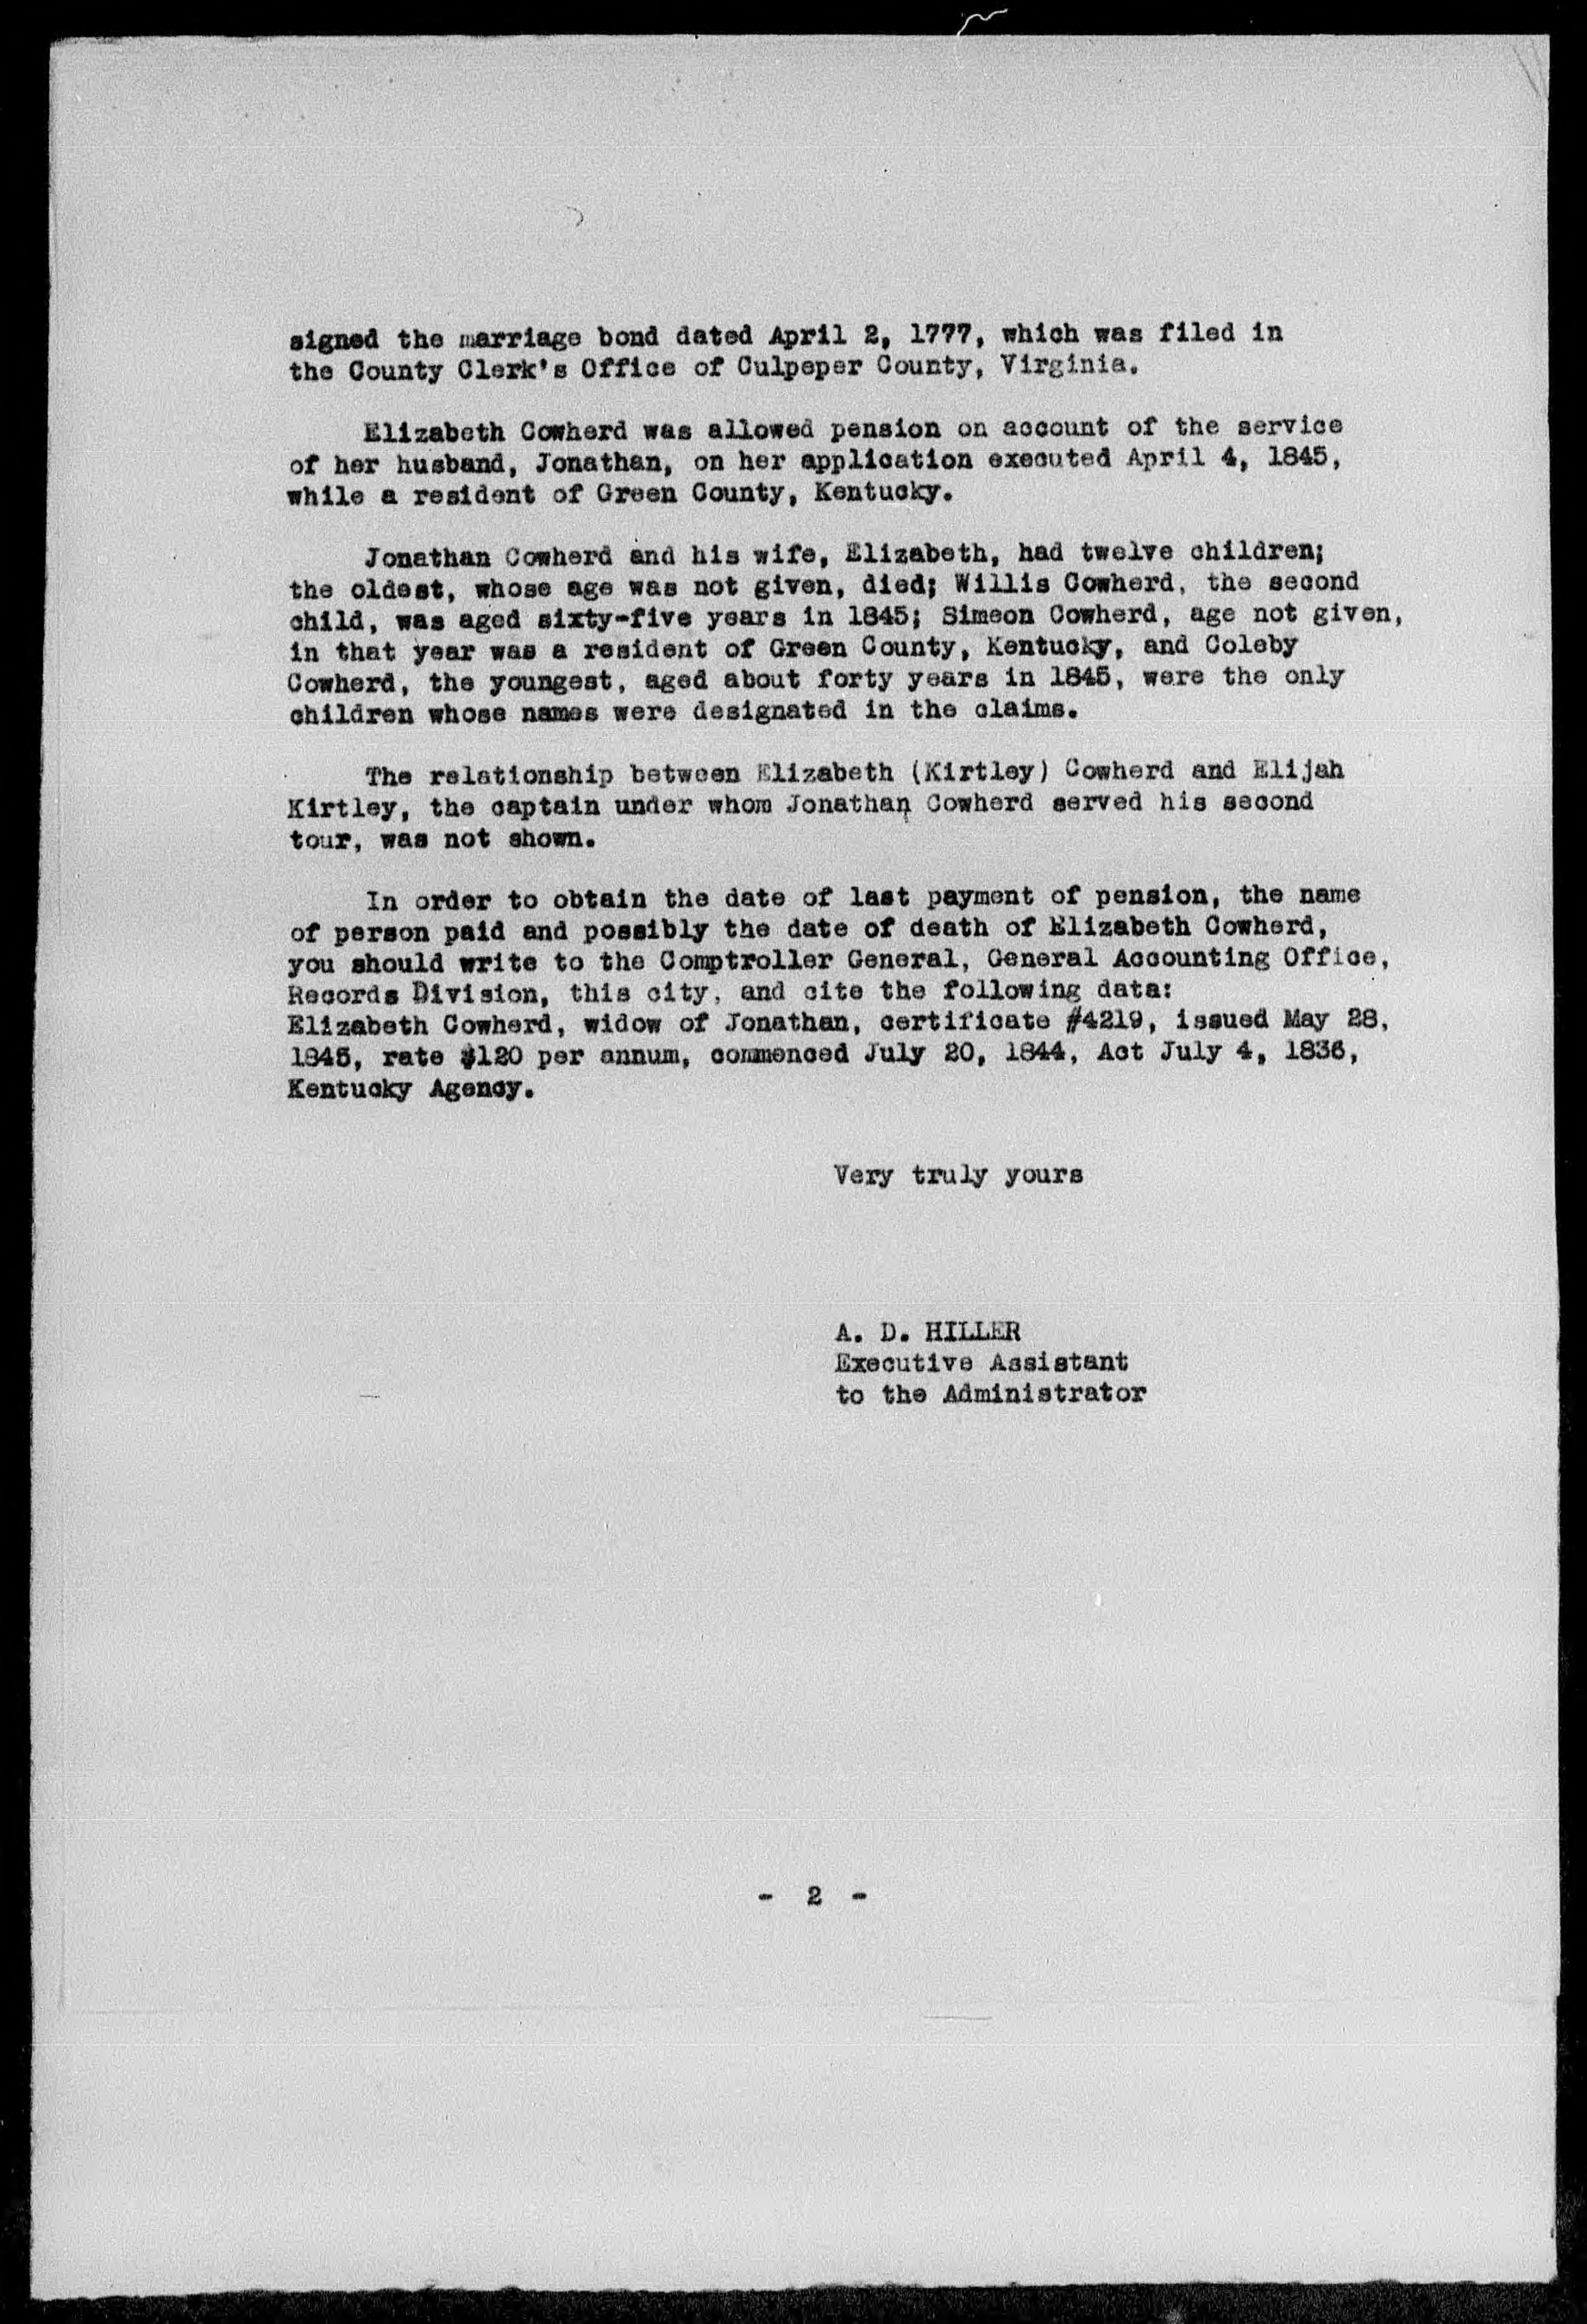signed the marriage bond dated April 2, 1777, which was filed in
the County Clerk's Office of Culpeper County, Virginia,
Elizabeth Cowherd was allowed pension on account of the service
of her husband, Jonathan, on her application executed April 4, 1845,
while a resident of Green County, Kentucky.
Jonathan Cowherd and his wife, Elizabeth, had twelve children;
the oldest, whose age was not given, died; Willis Cowherd, the second
child, was aged sixty-five years in 1845; Simeon Cowherd, age not given,
in that year was a resident of Green County, Kentucky, and Coleby
Cowherd, the youngest, aged about forty years in 1845, were the only
children whose names were designated in the claims.
The relationship between Elizabeth (Kirtley) Cowherd and Elijah
Kirtley, the captain under whom Jonathan Cowherd served his second
tour, was not shown.
In order to obtain the date of last payment of pension, the name of
person paid and possibly the date of death of Elizabeth Cowherd,
you should write to the Comptroller General, General Accounting Office,
Records Division, this city, and cite the following data:
Elizabeth Cowherd, widow of Jonathan, certificate #4219, issued May 28,
1845, rate $120 per annum, commenced July 20, 1844, Act July 4, 1836,
Kentucky Agency.
Very truly yours
A. D. HILLER
Executive Assistant
to the Administrator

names: Elijah Kirtley, Elizabeth, Elizabeth Cowherd, Jonathan, Elizabeth Cowherd, Willis Cowherd, Elizabeth Kirtley, Elizabeth Cowherd, Jonathan, Elizabeth Cowherd, Simeon Cowherd, Coleby Cowherd, Jonathan Cowherd, A D Hiller, Jonathan Cowherd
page: 17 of 46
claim: widow's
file: W 8619, Jonathan Cowherd, Va.